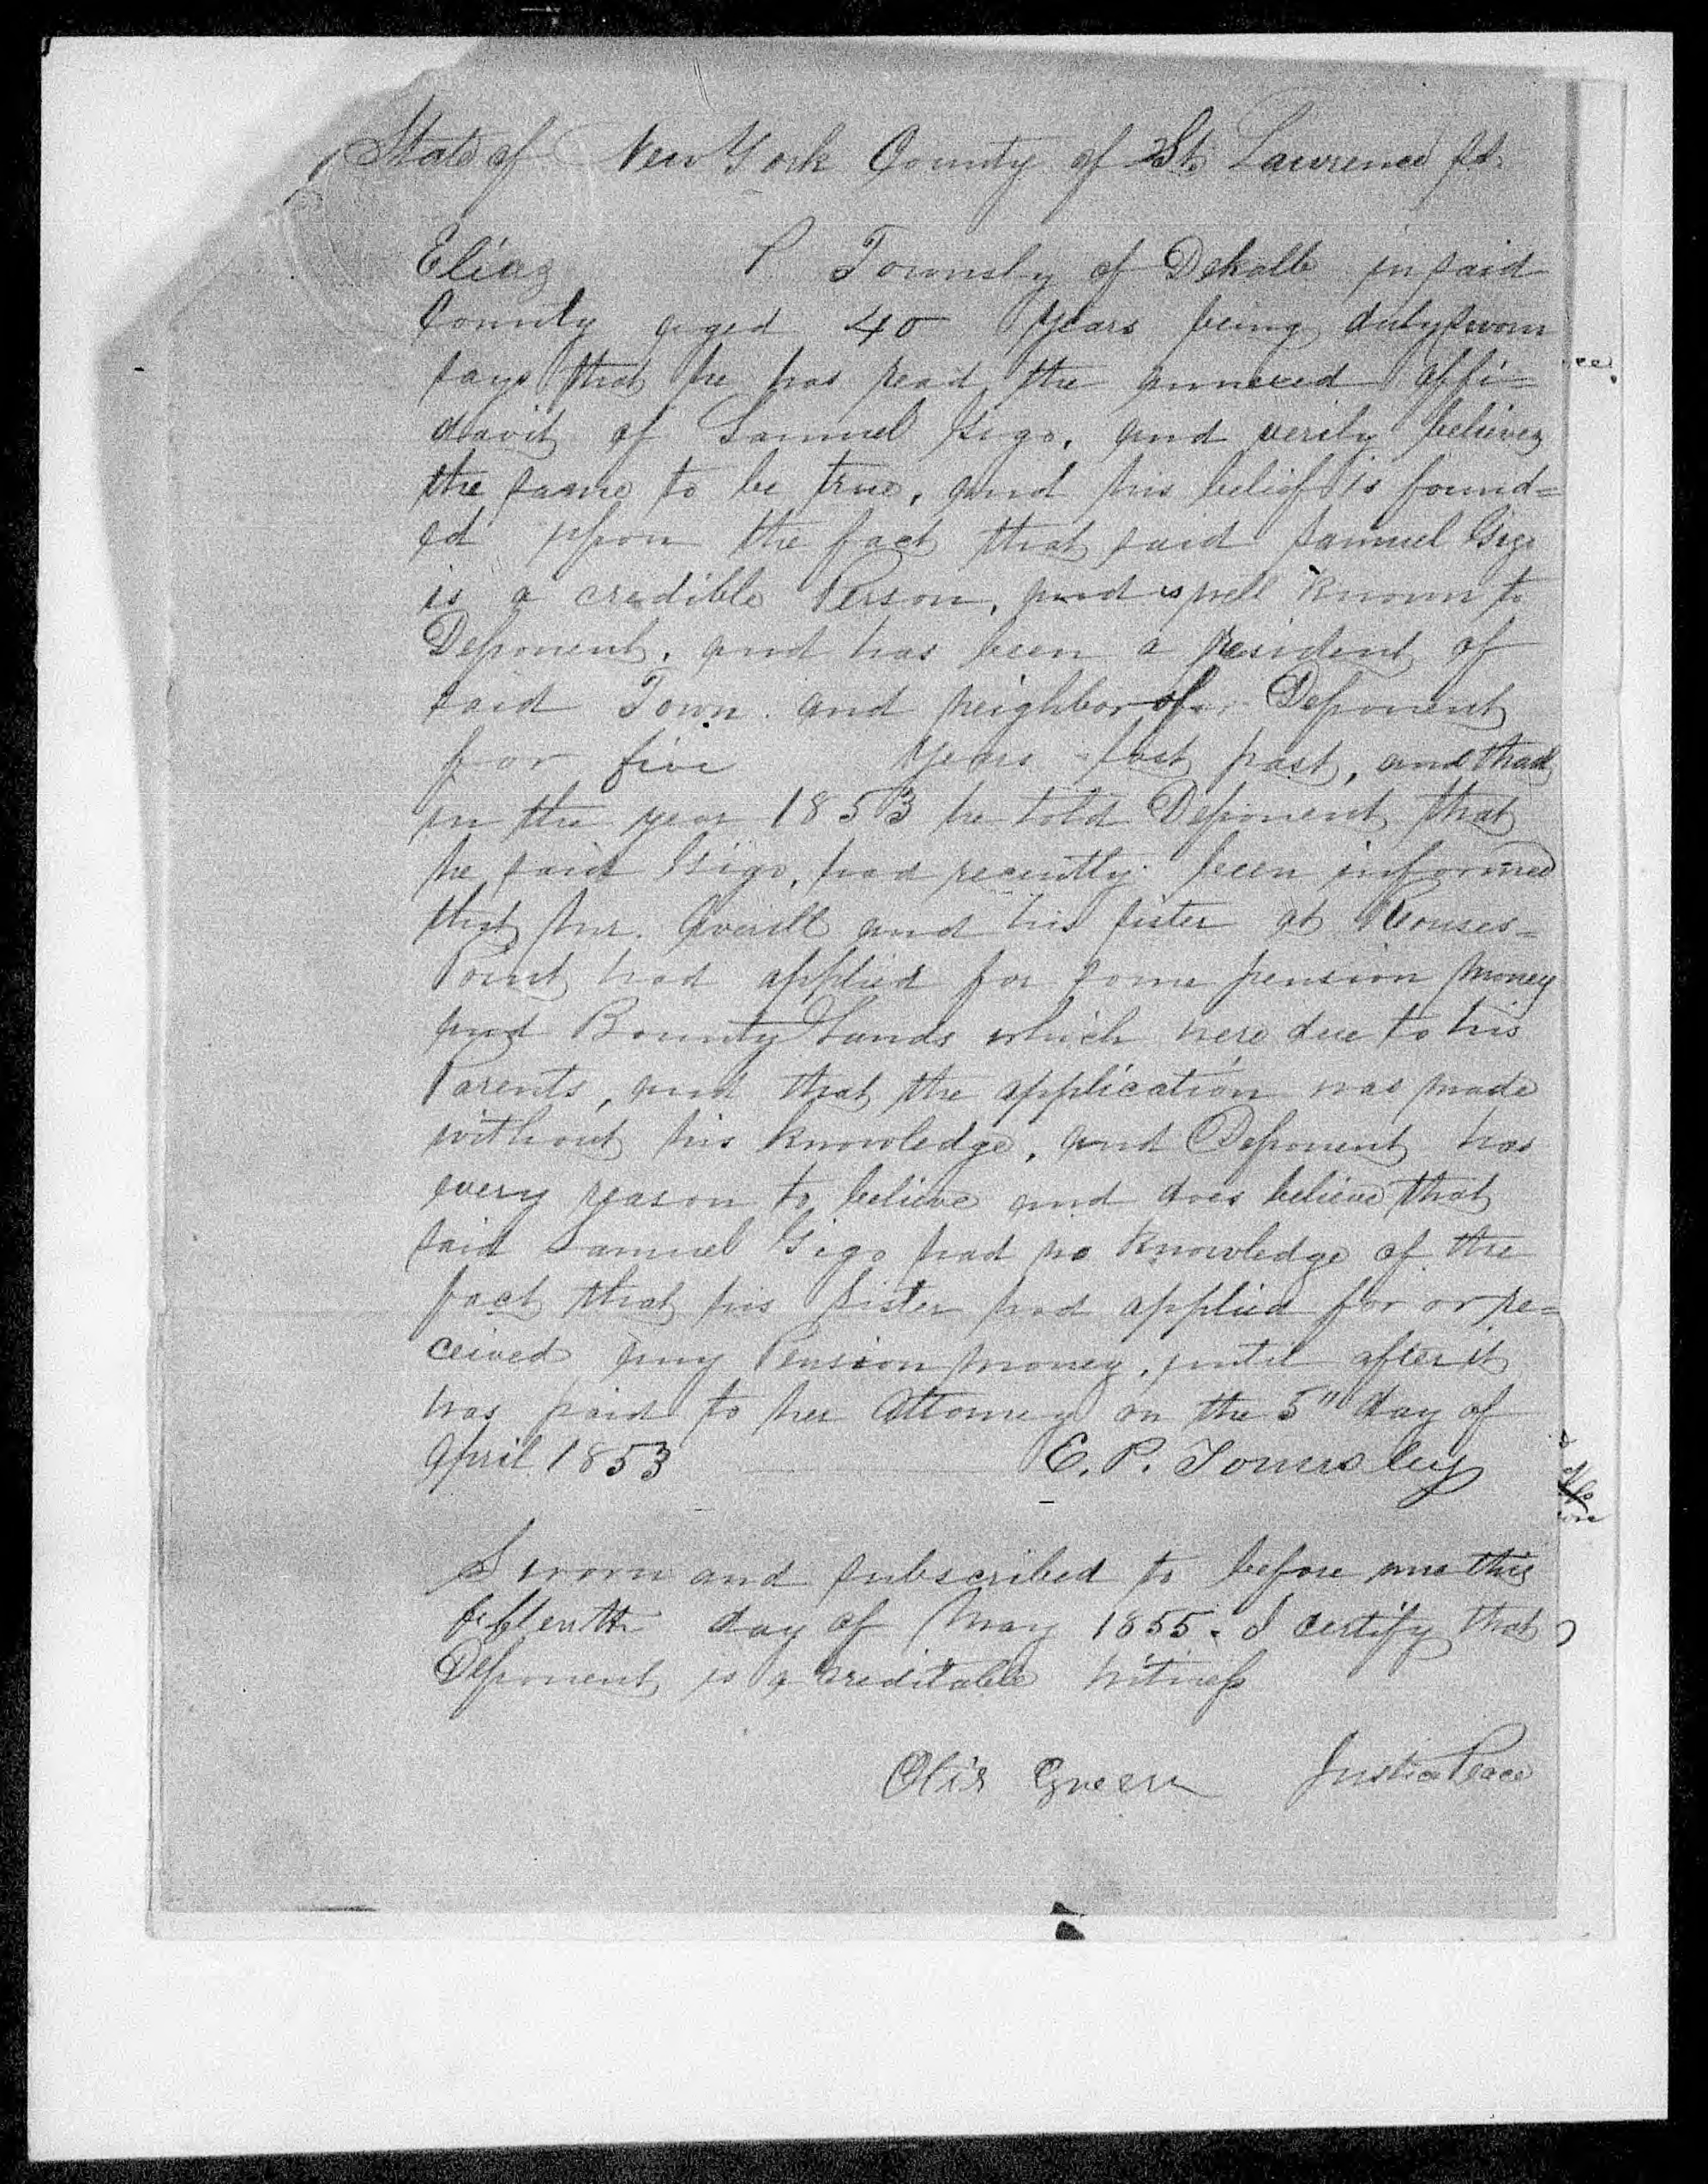State of New York County of St. Lawrence  ss
Elias P. Townsley of Dekalb in said County aged 45 years being duly sworn says that he has read the annexed affidavit of Samuel Gigo and verily believes the same to be true, and his belief is founded upon the fact that said Samuel Gigo is a credible Person, and is well known to Deponent, and has been a resident of said Town and neighbor of Deponent for five years last past, and that in the year of 1853 he told Deponent that he said Gigo, had recently been informed that Mr. Averill and his sister at Rouse's Point had applied for some pension money and Bounty Lands which were due to his parents, and that the application was made without his knowledge, and Deponent has every reason to believe and does believe that said Samuel Gigo had no knowledge of the fact this has sister had applied for or received any pension money, until after it has paid to her Attorney on the 5" day of April 1853.   
E. P. Townsley

Sworn and subscribed to before me this fifteenth day of May 1855. I certify that Deponent is a creditable witness
Otis Green  Justice Peace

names: Averill, E P Townsley, Samuel Gigo, Otis Green, Gigo, Samuel Gigo, Samuel Gigo, Elias P Townsly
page: 58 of 98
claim: widow's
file: W. 21182, Francis Gigo, Continental (Canadian)